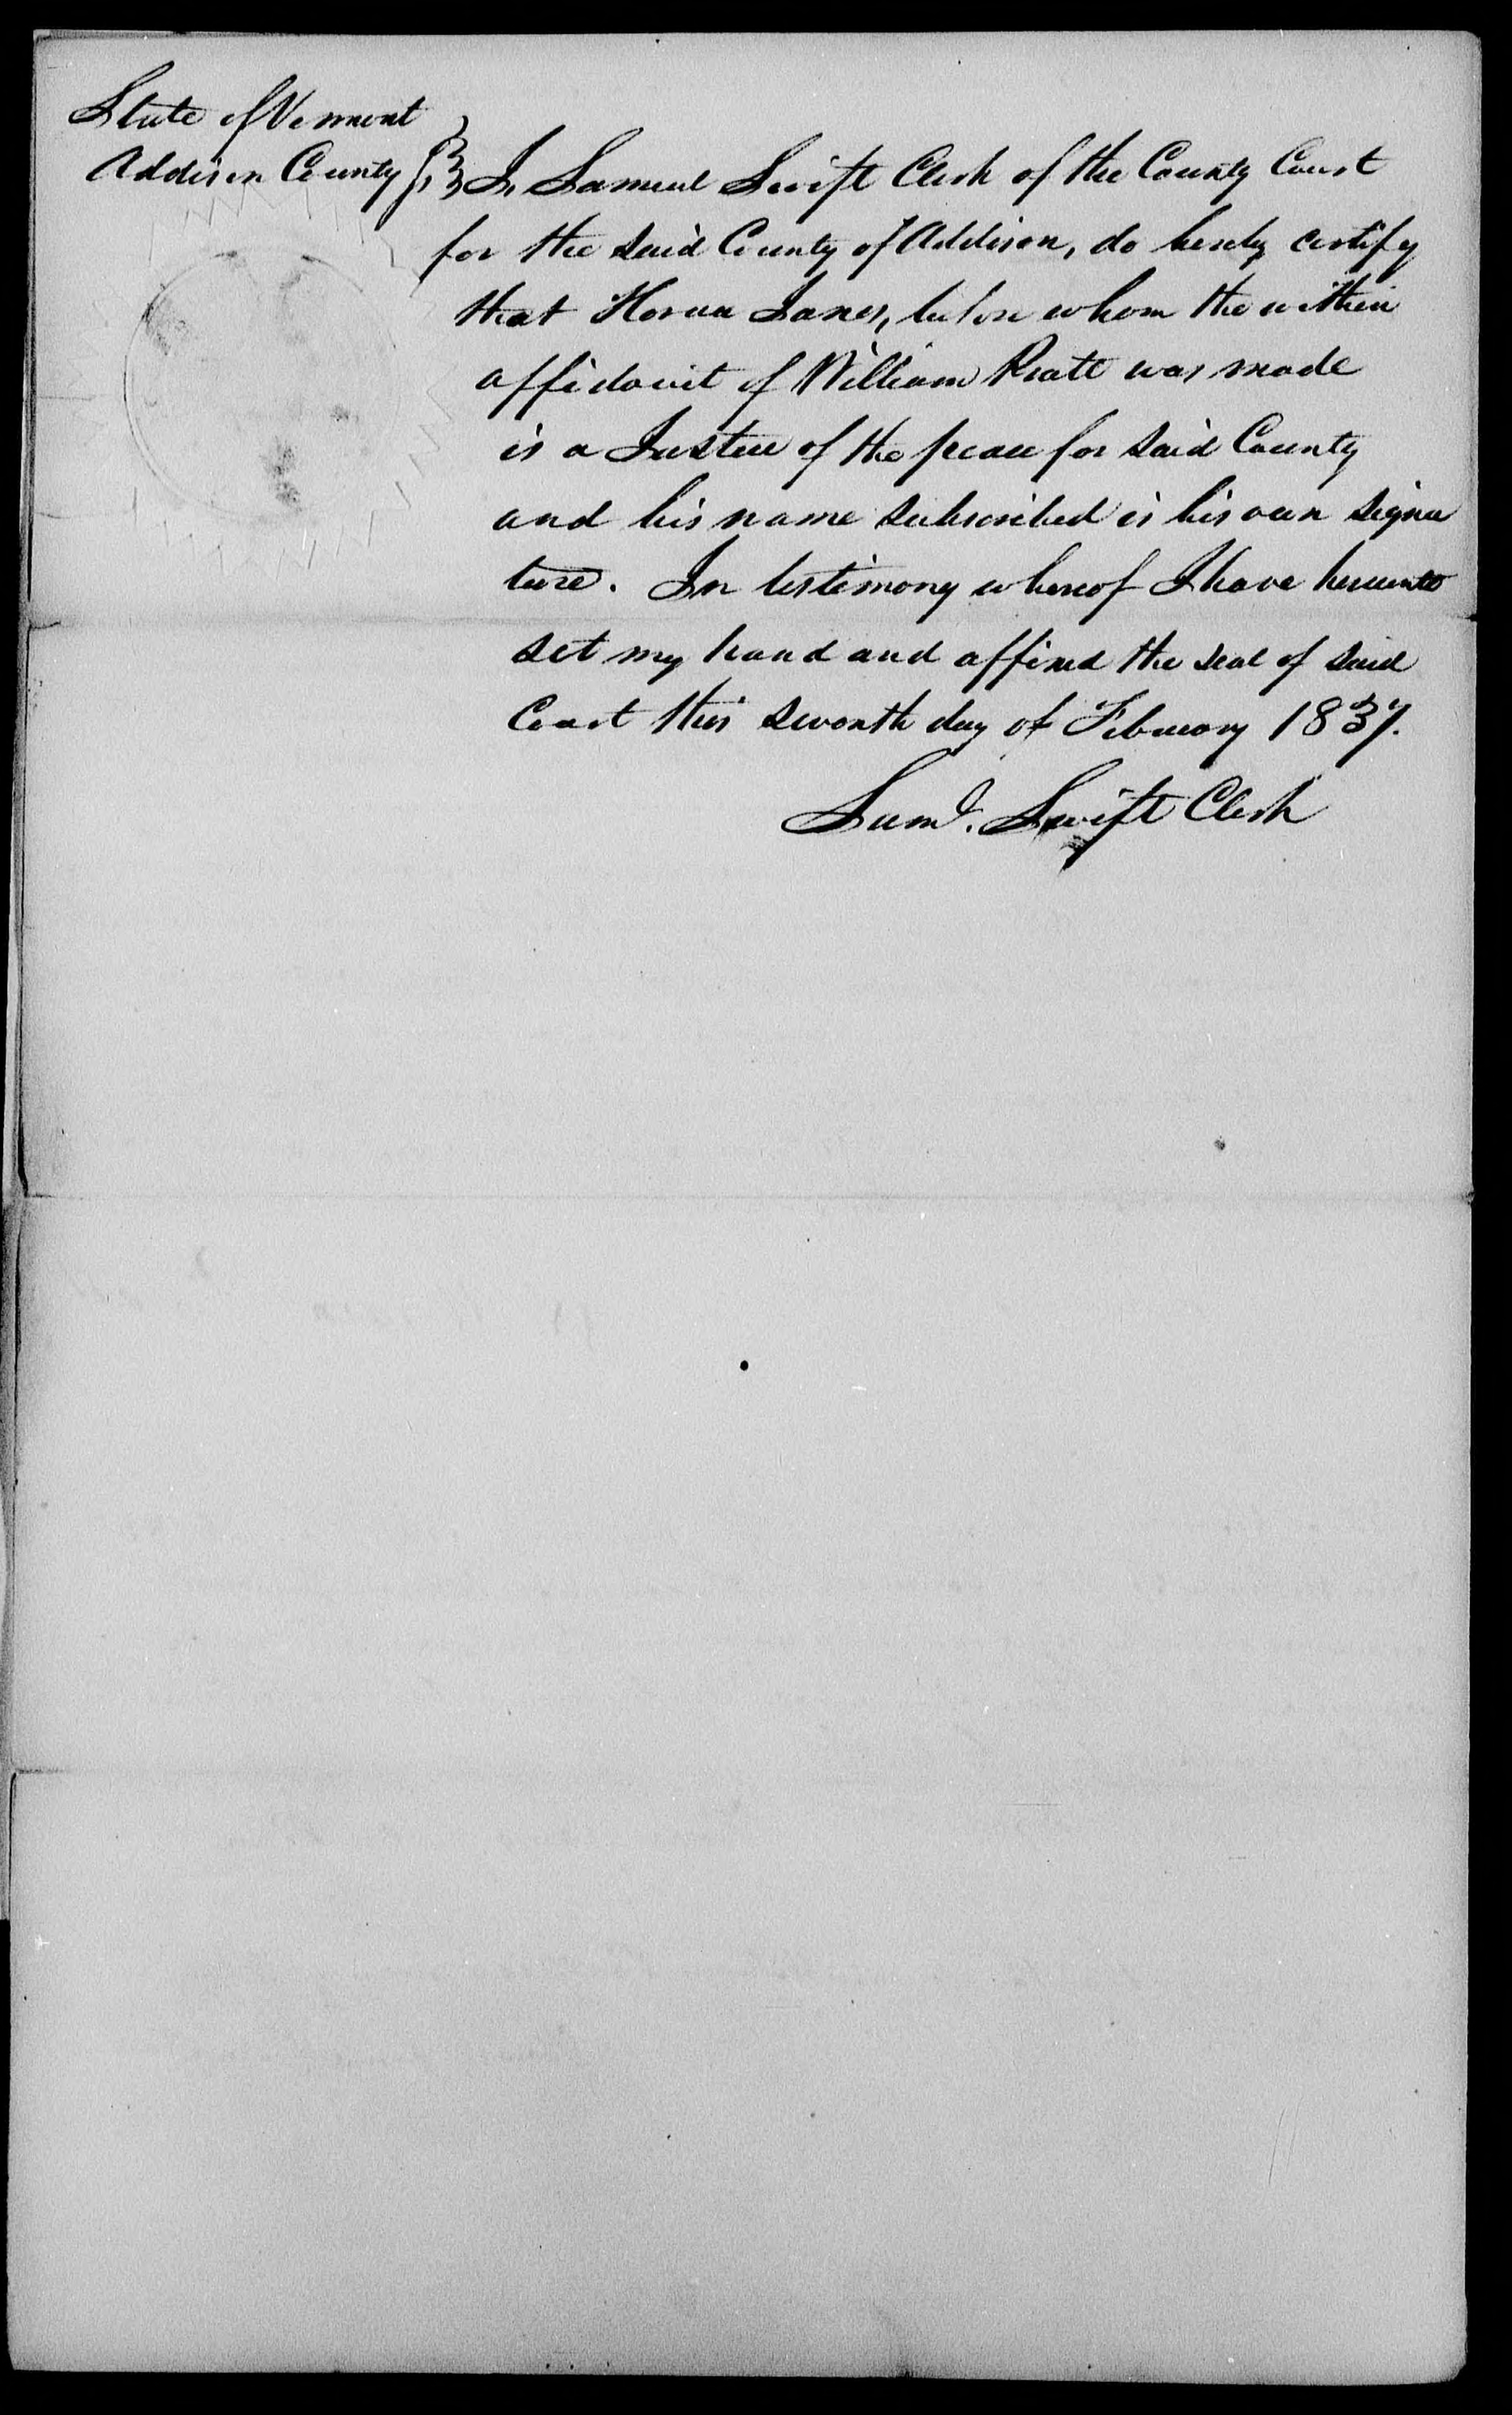State of Vermont
Addison County ss} 
[court seal affixed] I Samuel Swift Clerk of the County Court for the Said County of Addison, do hereby certify that Horace Janes, before whom the within affidavit of William Pratt was made is a Justice of the peace for Said County and his name subscribed in his own signature. In testimony whereof I have hereunto set my hand and affixed the seal of said Court this seventh day of February 1837.
/s/Sam'l Swift Clerk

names: Saml Swift, William Pratt, Horace Janes, Samuel Swift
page: 27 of 33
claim: survivor's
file: S. 12632, William Crossman, Mass. Vt.